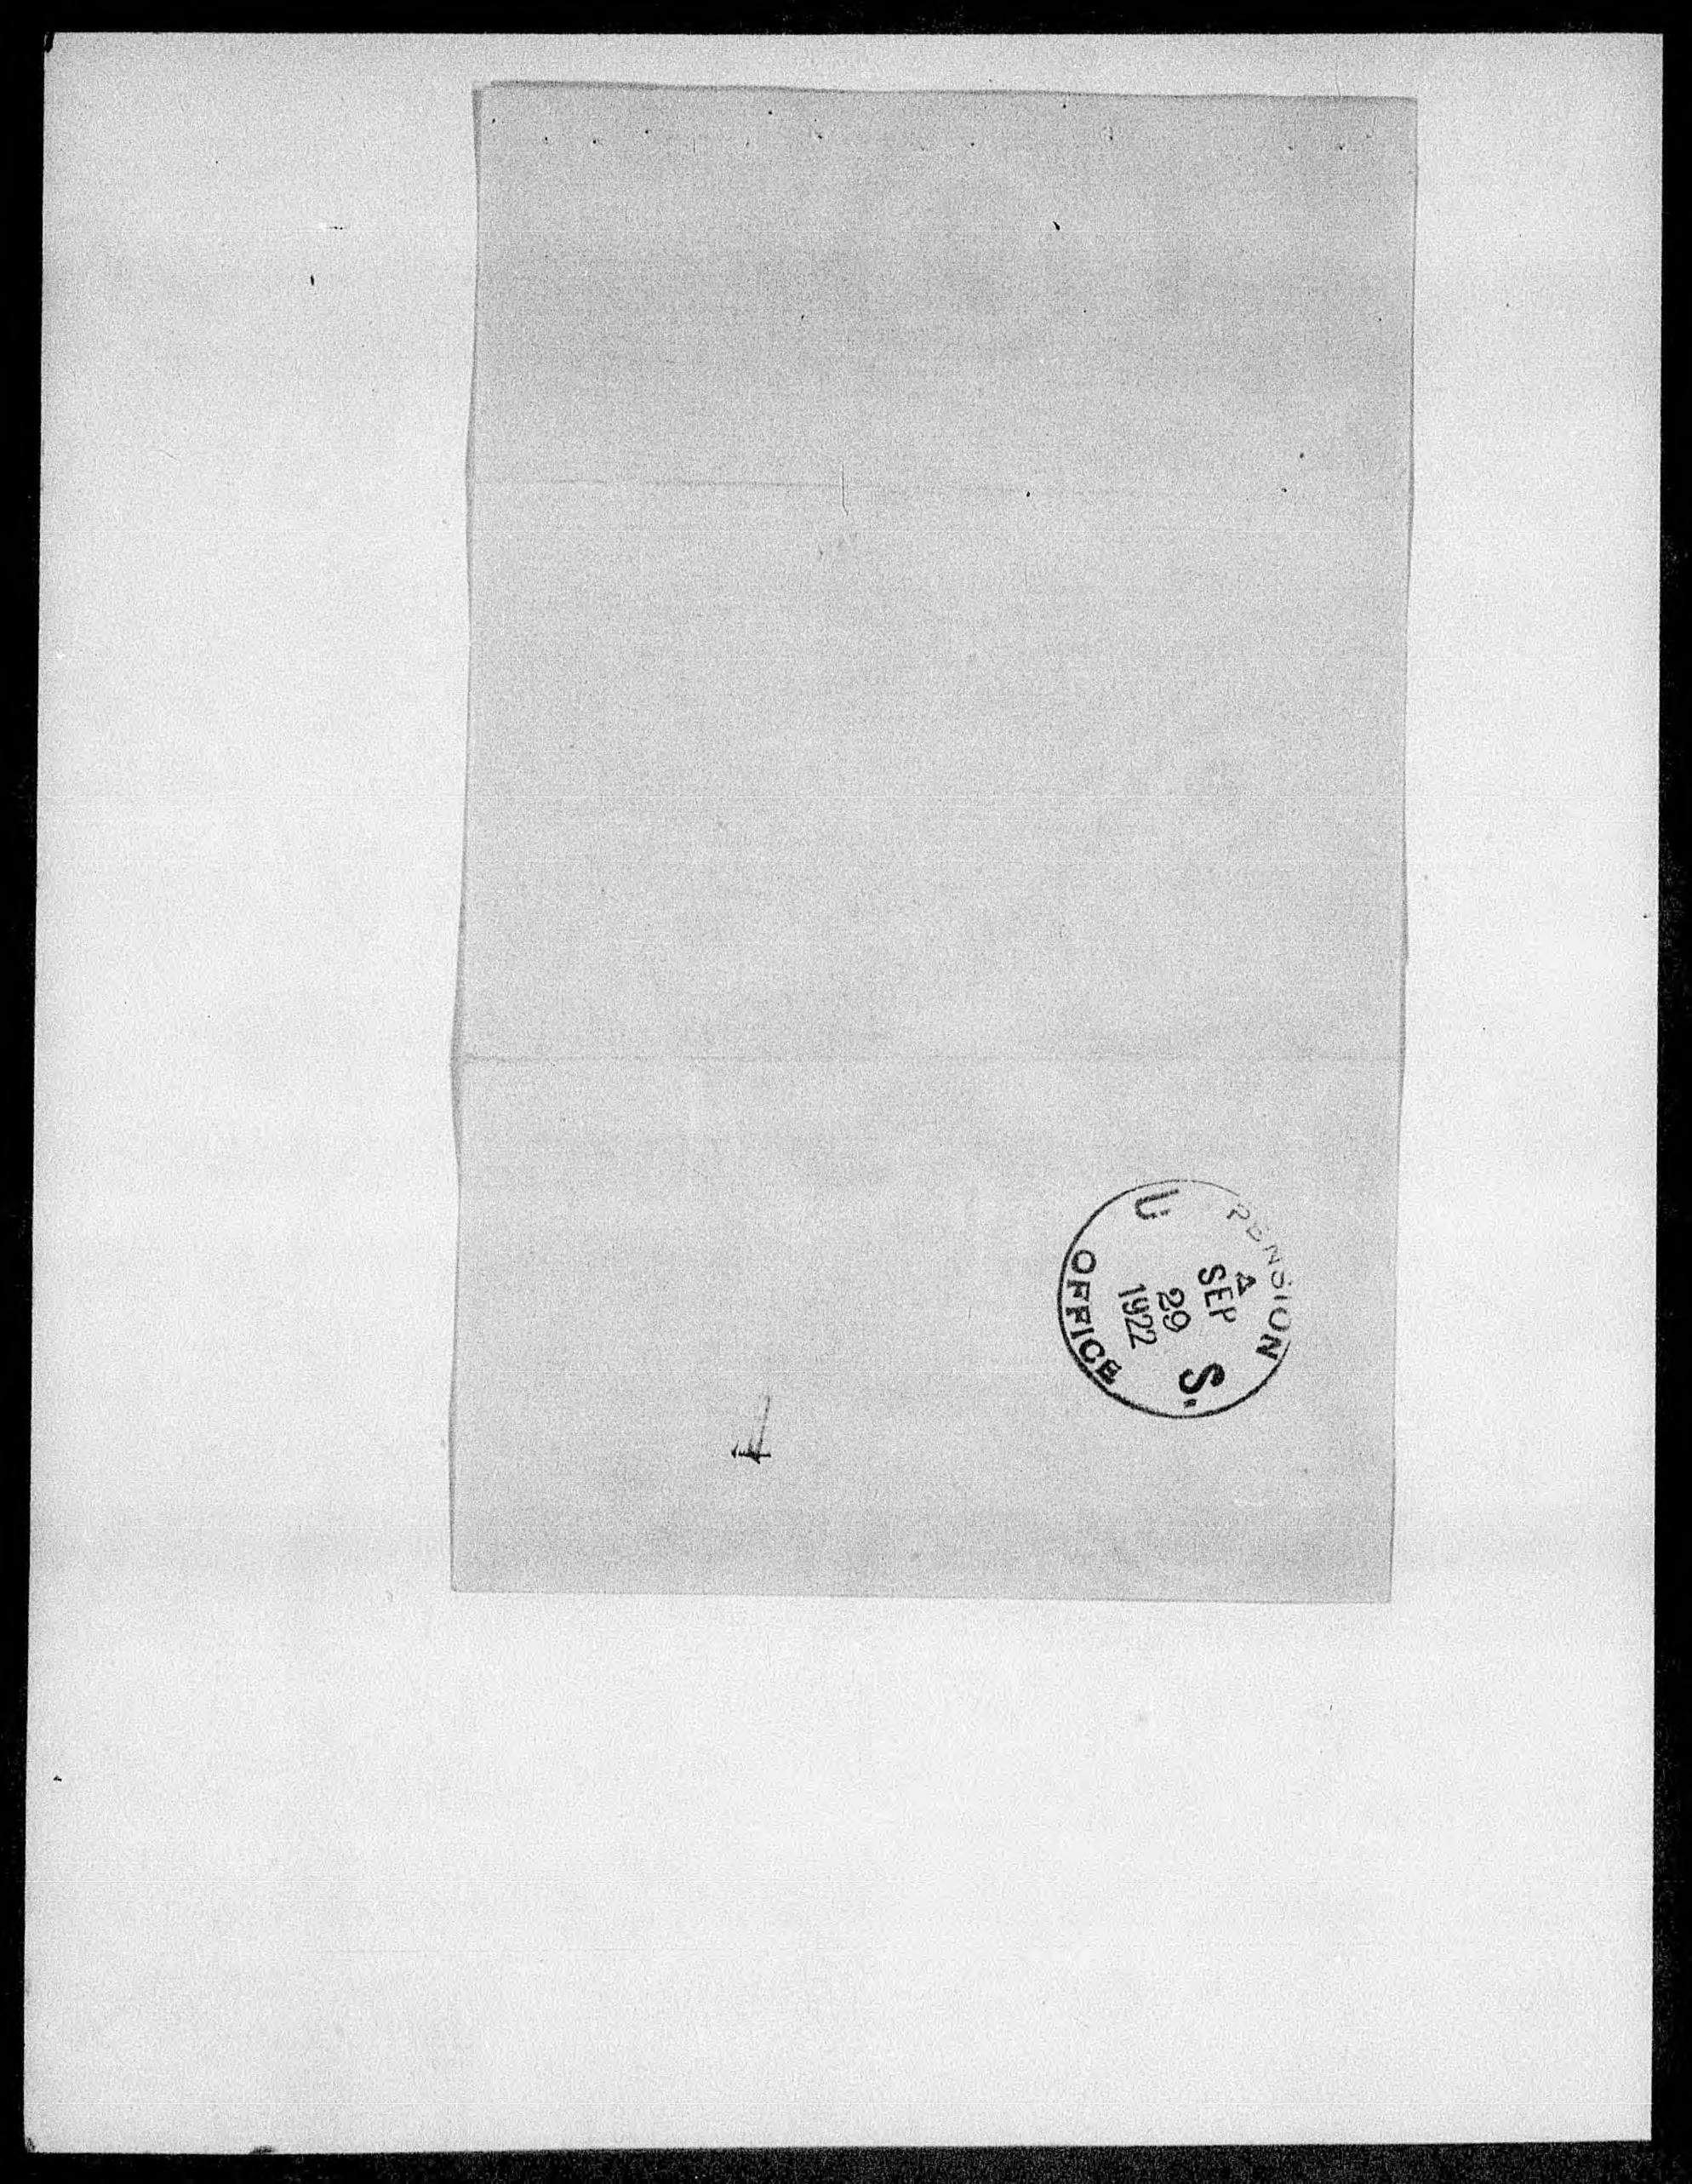stamp UPS Pension Office Sep 29 1922
perhaps the back of the letter on page 35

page: 34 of 64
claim: survivor's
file: S. 6887, Peter Gideon, Md.